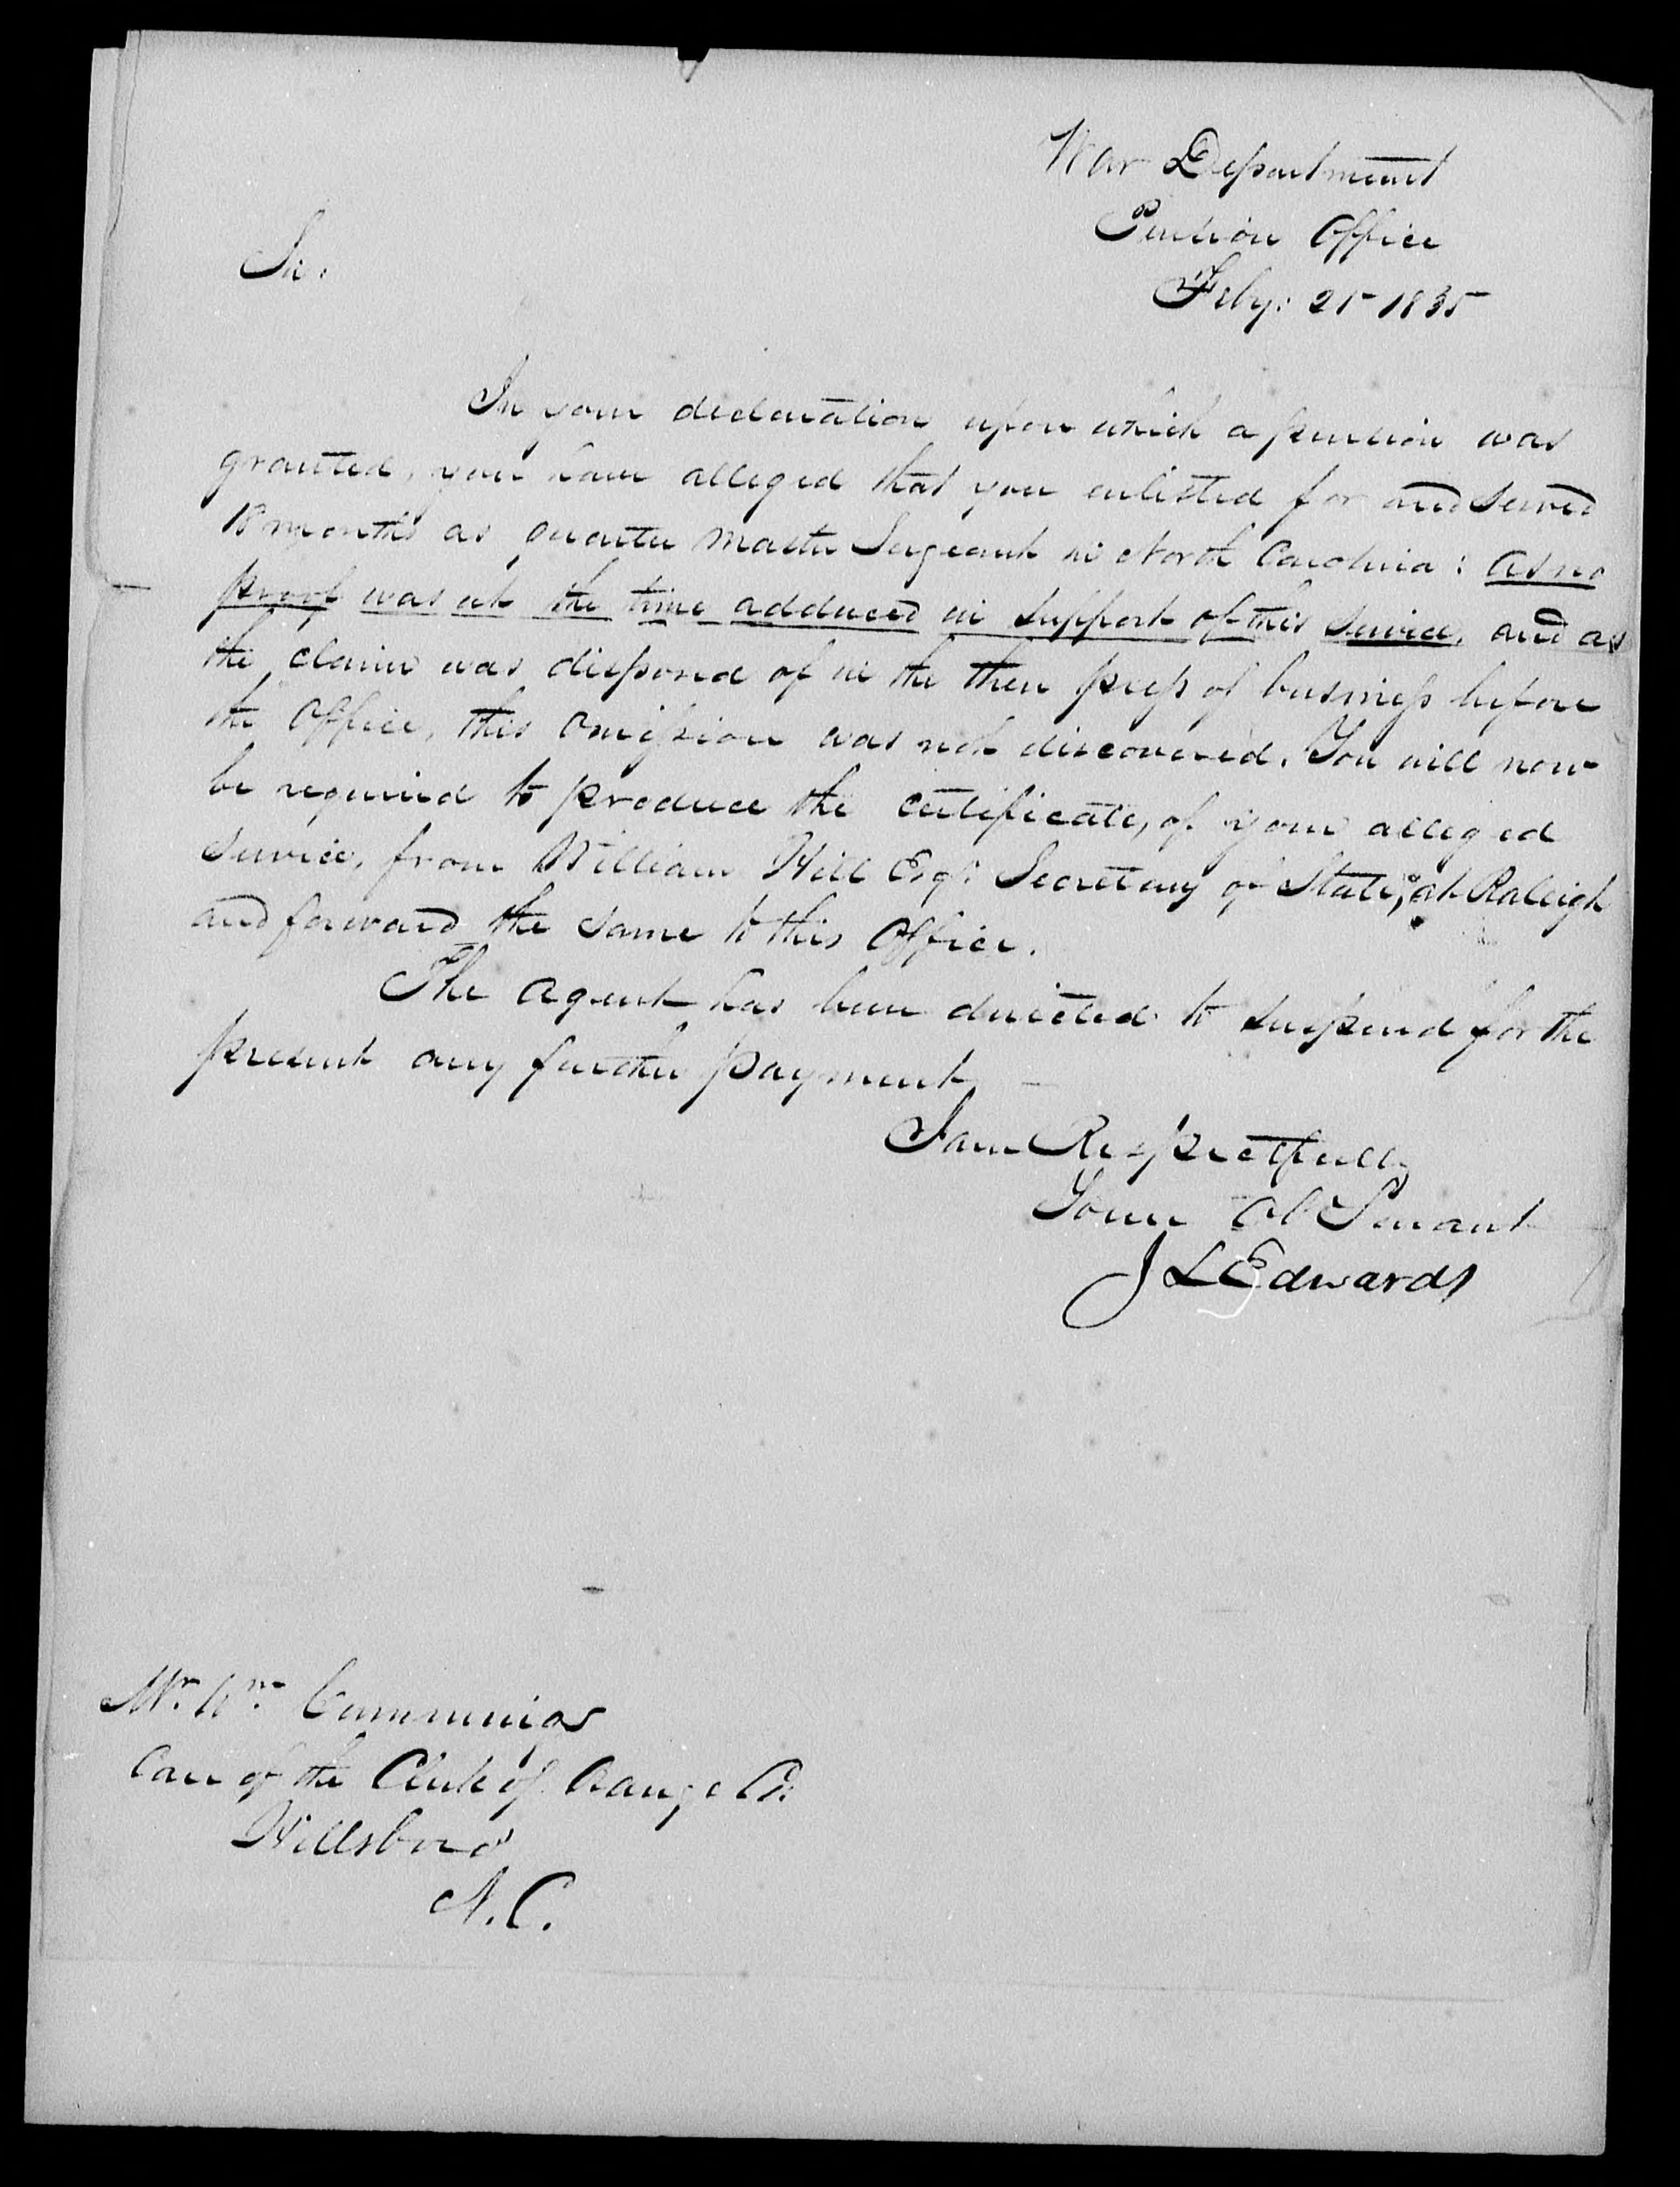[Handwritten letter]

War Department
Pension Office
Feby: 21 1835

Sir:

In your declaration upon which a pension was granted, you have alleged that you enlisted for and Served 18 months as quarter master Sergeant in North Carolina:  [Here the next 11 words are underlined] As no proof was at the time [?] addreced [? addressed] in Support of this [here the following word is underlined], Service, and as the claim was disposed of in the then press of business before the Office, this omission was not discovered.  You will now be required to produce the certificate, of your alleged Service, from William Hill Esqr. Secretary of State, at Raleigh and forward the same to this Office.

The agent has been directed to Suspend for the present any further Payment -

I am Respectfully
Your Ob Servant
J L Edwards

Mr. Wm. Cummings
Care of the Clerk of Orange Co [County]
Hillsboro
N.C.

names: J L Edwards, Wm Cummings, William Hill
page: 51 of 145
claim: survivor's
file: S. 8265, William Cumming, N.C.